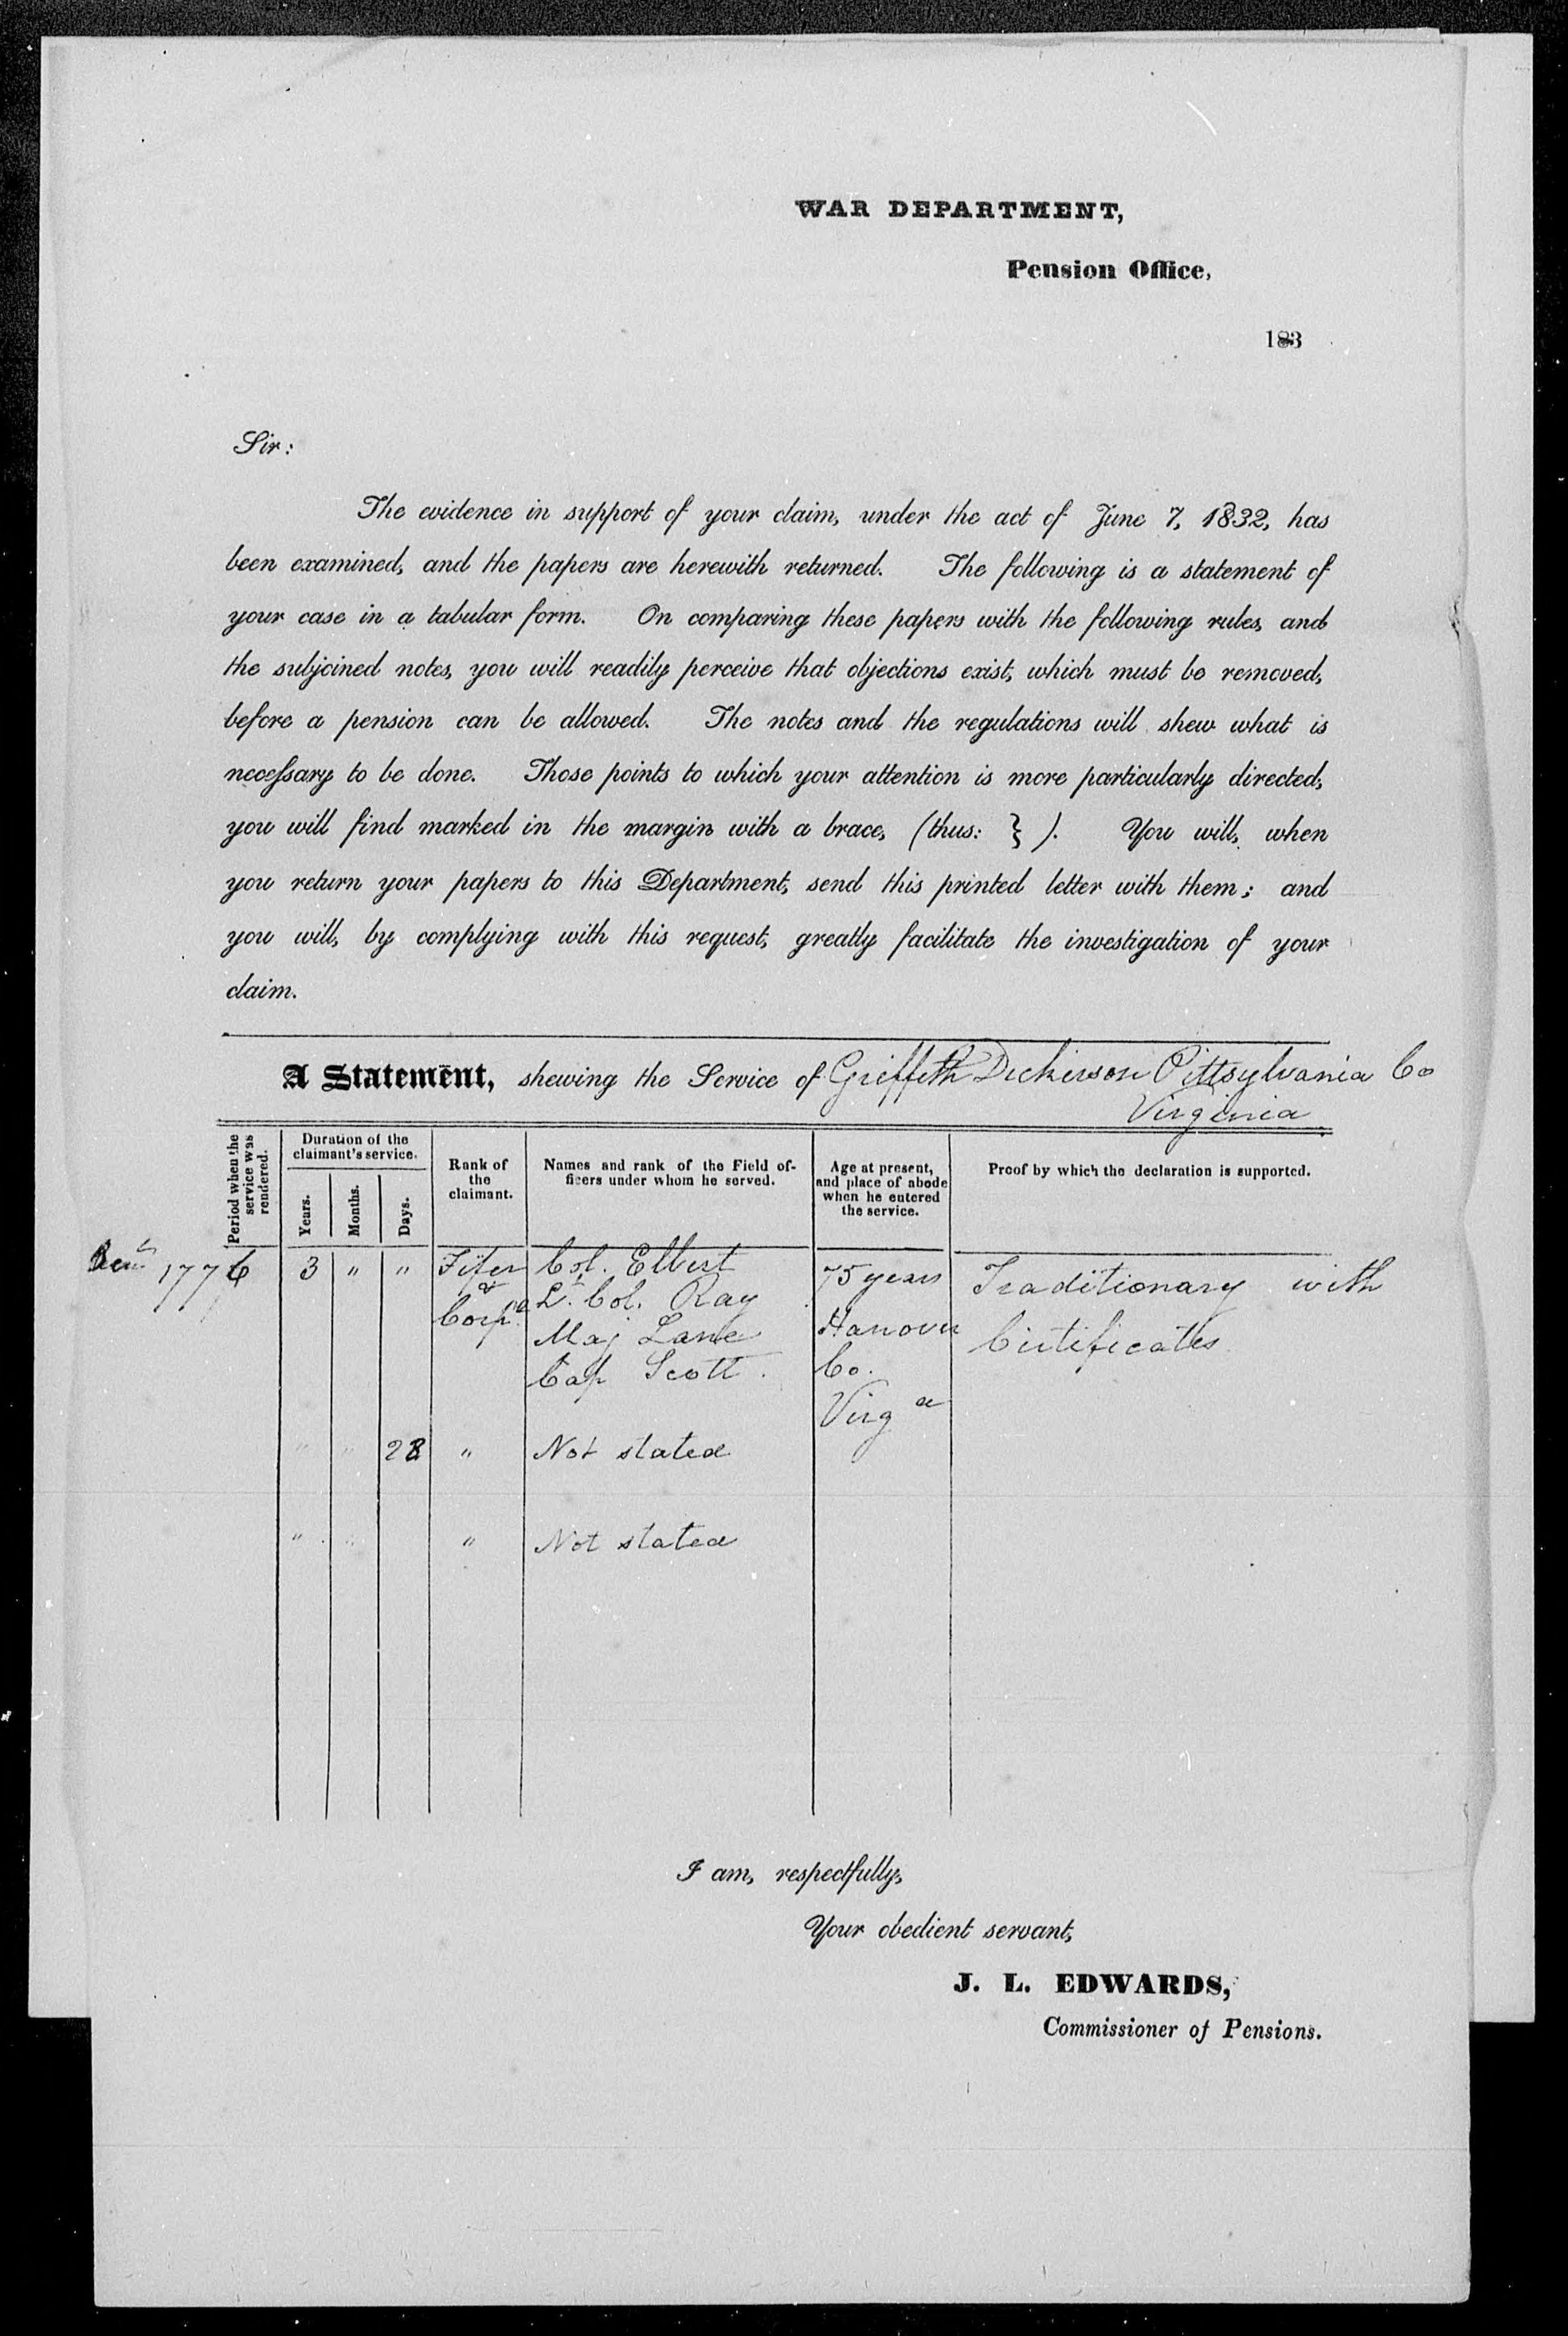WAR DEPARTMENT.
Pension Office,
13 [183 with 8 lined thru]

Sir.
The evidence in support of your claim, under the act of June 7, 1832, has 
been examined, and the papers are herewith returned. The following is a 
statement of your case in a tabular form. On comparing these papers with 
the following rules, and the subjoined notes, you will readily perceive that 
objections exist, which must be removed, before a pension can be allowed.
 the notes and the regulations will shew [show] what is necessary to be 
done. Those points to which your attention is more particularly directed,
you will find marked in the margin with a brace, (thus: }). You will, when you 
return your papers to this Department, send this printed letter with them; 
and you will, by complying with this request, greatly facilitate the 
investigation of your claim.
-----------------------
A Statement, showing the service of Griffith Dickerson Pittsylvania Co
Virginia
-----------------------
[data presented column title followed by data}
Period when the service was rendered. Dec 1776
Duration of the claimant's service. 3 Years 28 days
Rank of the claimant. Fifer & Corp.
Names and rank of the Field officers under whom he served.
Col Elbert
L. Col. Ray
Maj Lane
Cap Scott.
Age at present, and place of abode when he entered the service.
75 years Hanover Co. Virg
Proof by which the declaration is supported.
Traditionary with Certificates

[unclear if there were other periods of service]

I am, respectfully,
Your obedient servant,
J. L. EDWARDS,
Commissioner of Pensions.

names: Griffeth Dickerson, J L Edwards, Lane, Scott, Ray, Elbert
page: 8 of 26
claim: survivor's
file: S. 20896, Griffeth Dickenson, Ga. Va.